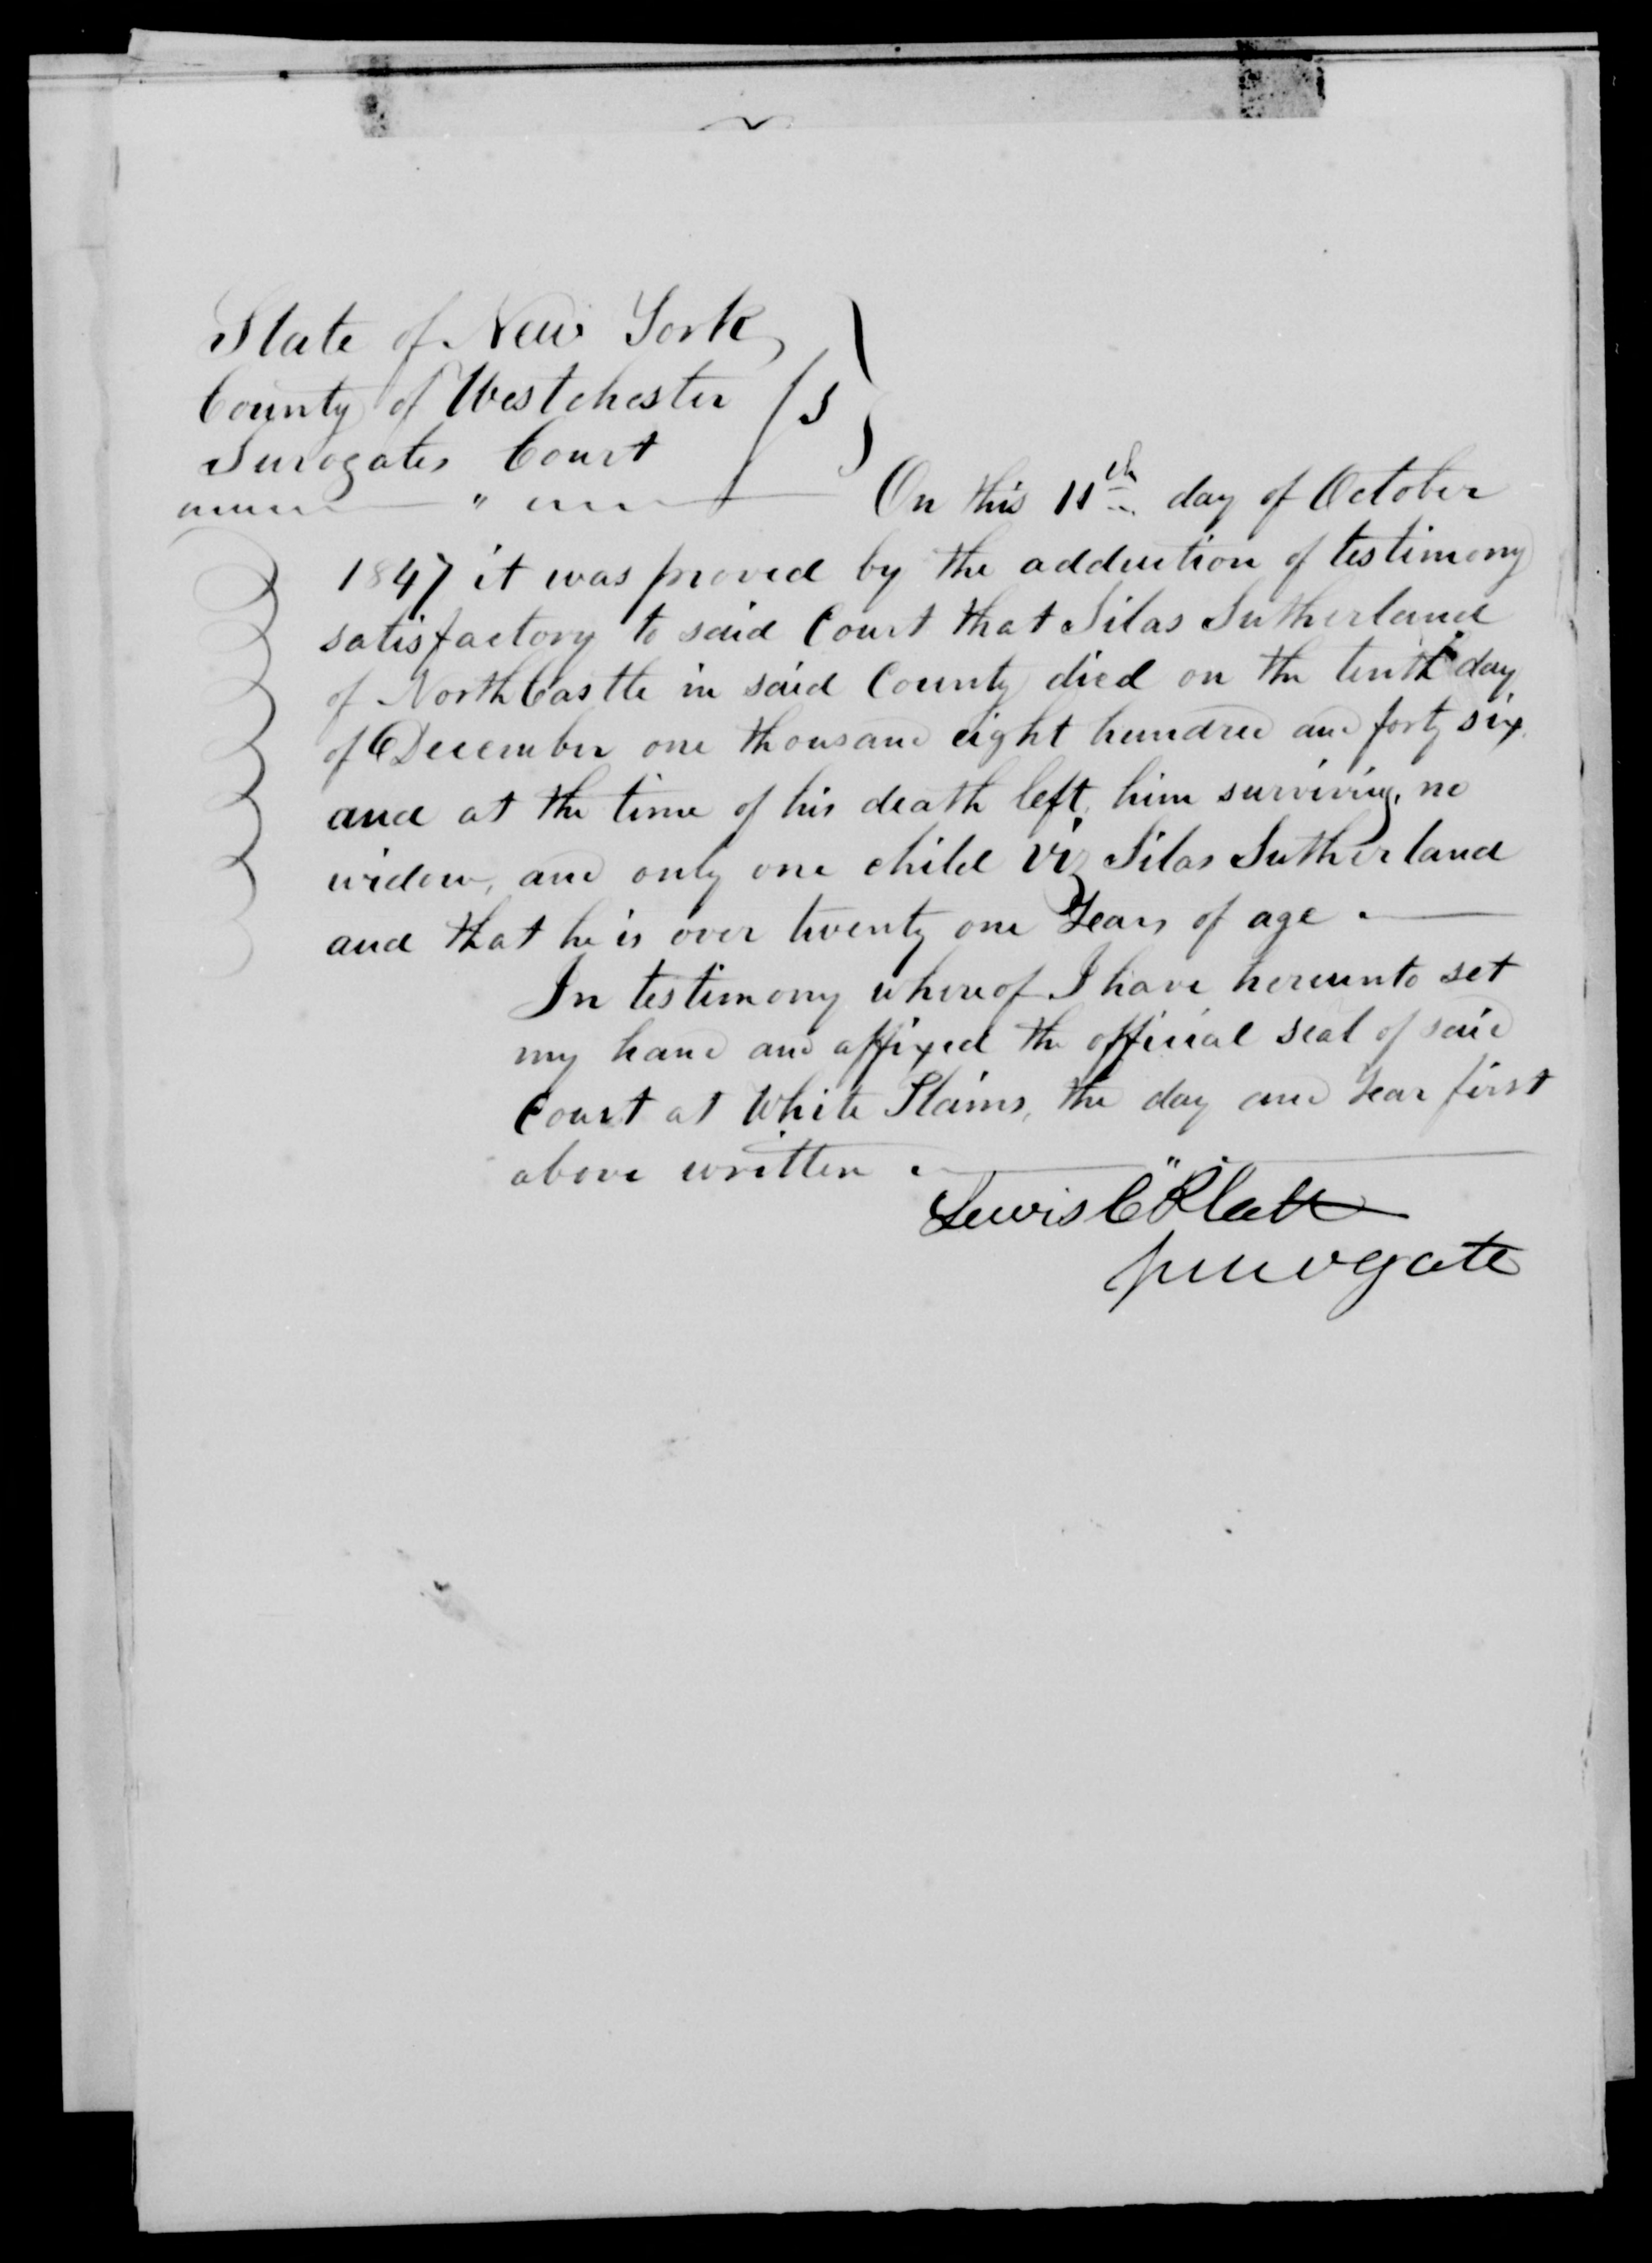State of New York
County of Westchester
Surrogate's Court ss: }

On this 11th day of October 1847 it was proved by the adduction of testimony satisfactory to said Court that Silas Sutherland of North Castle in said County died on the tenth day of December one thousand eight hundred and forty six and at the time of his death left him surviving, no widow, and only one child viz Silas Sutherland and that he is over twenty one years of age.

In testimony whereof I have hereunto set my hand and affixed the official seal of said Court at White Plains, the day and year first above written.  

Lewis C Platt
Surrogate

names: Lewis C Platt; Silas Sutherland; Silas Sutherland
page: 16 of 77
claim: survivor's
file: S. 23003, for Silas Southerland, New York